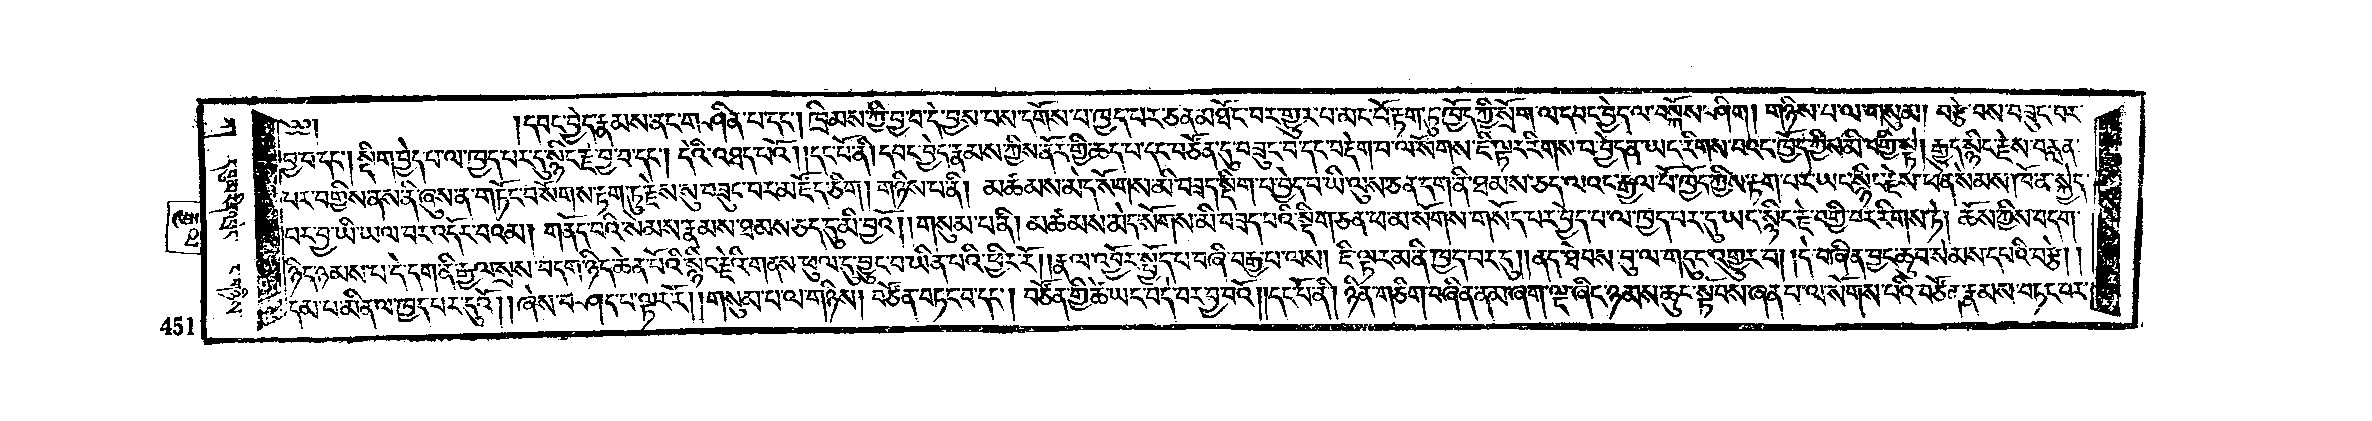༄༅། །དབང་བྱེད་རྣམས་ནང་གཤིན་པ་དང་། ཁྲིམས་ཀྱི་བྱ་བ་དེ་བྱས་པས་དགོས་པ་ཁྱད་པར་ཅན་མཐོང་བར་གྱུར་པ་མང་པོ་རྟག་ཏུ་ཁྱོད་ཀྱི་སྲོག་ལ་དབང་བྱེད་ལ་བསྐོས་ཤིག །གཉིས་པ་ལ་གསུམ། བརྩེ་བས་བཟུང་བར་
བྱ་བ་དང་། སྡིག་བྱེད་པ་ལ་ཁྱད་པར་དུ་སྙིང་རྗེ་བྱ་བ་དང་། དེའི་འཐད་པའོ། །དང་པོ་ནི། དབང་བྱེད་རྣམས་ཀྱིས་ནོར་གྱི་ཆད་པ་དང་བཙོན་དུ་བཟུང་བ་དང་བརྡེག་པ་ལ་སོགས་ཇི་ལྟར་རིགས་པ་བྱེད་ན་ཡང་རིགས་པའང་ཁྱོད་ཀྱིས་མི་བགྱི་སྟེ། རྒྱུད་སྙིང་རྗེས་བརླན་
པར་བགྱིས་ནས་ནི་ཞུས་ན་གཏོང་བ་སོགས་རྟག་ཏུ་རྗེས་སུ་བཟུང་བར་མཛོད་ཅིག །གཉིས་པ་ནི། མཚམས་མེད་སོགས་མི་བཟད་སྡིག་པ་བྱེད་པ་ཡི་ལུས་ཅན་དག་ནི་ཐམས་ཅད་ལའང་རྒྱལ་པོ་ཁྱོད་ཀྱིས་རྟག་པར་ཡང་སྙིང་རྗེས་ཕན་སེམས་ཁོ་ན་སྐྱེད་
པར་བྱ་ཡི་ཡལ་བར་འདོར་བའམ། གནོད་པའི་སེམས་རྣམས་ཐམས་ཅད་དུ་མི་བྱའོ། །གསུམ་པ་ནི། མཚམས་མེད་སོགས་མི་བཟད་པའི་སྡིག་ཅན་ཕ་མ་སོགས་གསོད་པར་བྱེད་པ་ལ་ཁྱད་པར་དུ་ཡང་སྙིང་རྗེ་བགྱི་བར་རིགས་ཏེ། ཆོས་ཀྱི་བདག་
ཉིད་ཉམས་པ་དེ་དག་ནི་རྒྱལ་སྲས་བདག་ཉིད་ཆེན་པོའི་སྙིང་རྗེའི་གནས་ཕུལ་དུ་བྱུང་བ་ཡིན་པའི་ཕྱིར་རོ། །རྣལ་འབྱོར་སྤྱོད་པ་བཞི་བརྒྱ་པ་ལས། ཇི་ལྟར་མ་ནི་ཁྱད་པར་དུ། །ནད་ཐེབས་བུ་ལ་གདུང་འགྱུར་བ། །དེ་བཞིན་བྱང་ཆུབ་སེམས་དཔའི་བརྩེ། །
དམ་པ་མིན་ལ་ཁྱད་པར་དུའོ། །ཞེས་བཤད་པ་ལྟར་རོ། །གསུམ་པ་ལ་གཉིས། བརྩོན་བཏང་བ་དང་། བཙོན་གྱི་ཚེ་ཡང་བདེ་བར་བྱ་བའོ། །དང་པོ་ནི། ཉིན་གཅིག་བཞིན་ནམ་ཞག་ལྔ་ཞིང་ཉམས་ཆུང་སྟོབས་ཞན་པ་ལ་སོགས་པའི་བཙོན་རྣམས་བཏང་བར་